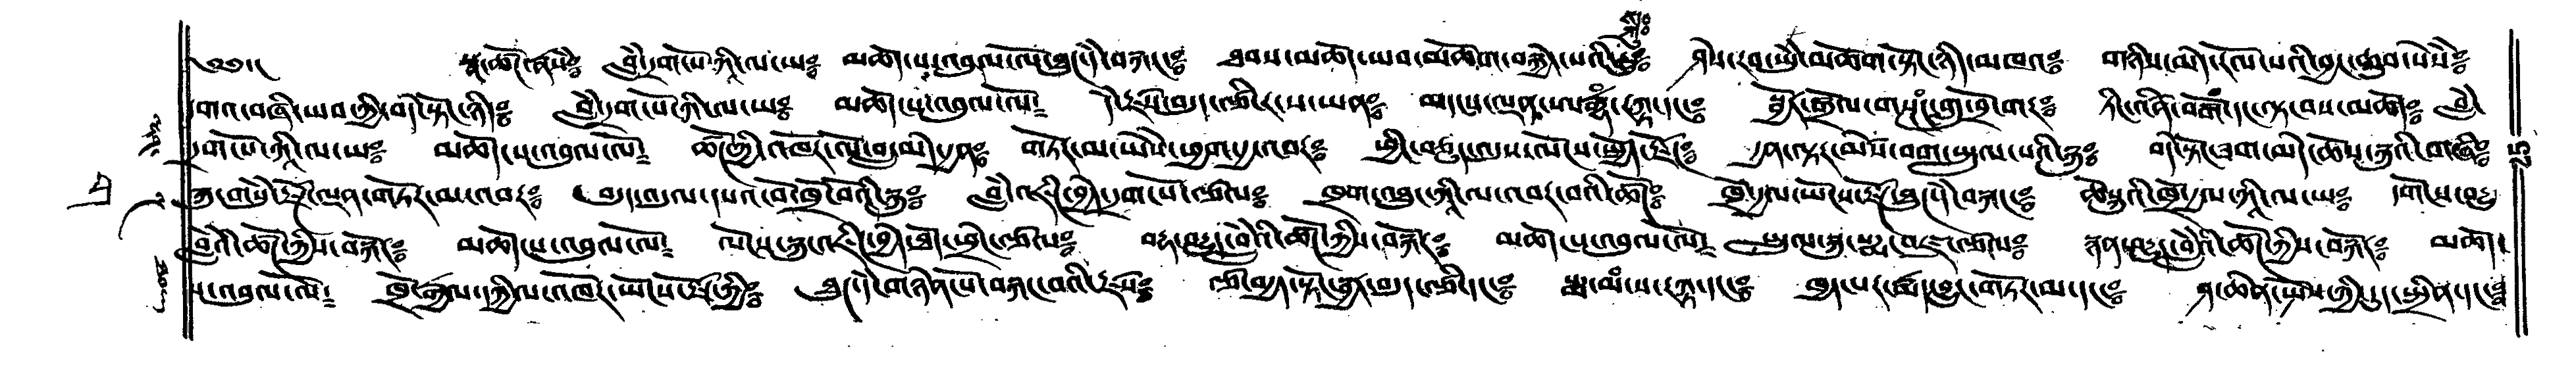སྣ་ཚོགས་རྣམས༔ བླ་མ་དྲག་པོ་ཀཱི་ལ་ཡ༔ མཆོད་པ་འབུལ་ལོ་ཐུགས་དམ་བསྐང༔ ཐབས་མཆོག་ཡབ་མཆོག་བསྐྱེད་པའི་སྐུ༔ ཤེས་རབ་ཡུམ་མཆོག་སྟོང་ཉིད་མཁའ༔ གཉིས་མེད་རོལ་པའི་བྱང་ཆུབ་སེམས༔ 
དགའ་བཞི་ཡབ་ཀྱི་བདེ་སྟོང་ཉིད༔ བླ་མ་དྲག་པོ་ཀི་ལ་ཡ༔ མཆོད་པ་འབུལ་ལོ༴ དམ་རྫས་བདུད་རྩི་ར་ས་ཡན༔ མདངས་ལྡན་ཨརྒྷཾ་རཀྟ་དང༔ སྦྱོར་སྒྲོལ་གསང་སྔགས་གླུ་བྲོ་གར༔ ཏིང་འཛིན་སྒོམ་དང་ལྟ་བས་མཆོད༔ བླ་མ
་དྲག་པོ་ཀཱི་ལ་ཡ༔ མཆོད་པ་འབུལ་ལོ༴ཚོགས་ཀྱི་འཁོར་ལོ་བླ་མེད་རྒྱན༔ གཏོར་མ་ཡེ་ཤེས་ཕྱག་རྒྱ་འབར༔ ཕྱི་ནང་བཅུད་འདུས་ལོངས་སྤྱོད་རྫོགས༔ རྒྱན་ལྟར་མཛེས་པ་སྤྲུལ་པའི་སྐུ༔ བདེ་སྟོང་ཟག་མེད་ཆོས་སྐུའི་གཞི༔ 
སྐུ་གསུམ་རྫོགས་ལྡན་གཏོར་མ་འབར༔ བདུད་འདུལ་དཔའ་བོ་ཁྲོ་བོའི་སྐུ༔ བླ་མ་འཇིགས་བྱེད་དྲག་པོ་རྩལ༔ ཁྲག་འཐུང་ཀཱི་ལ་འབར་བའི་ཚོགས༔ ཁྲོ་རྒྱལ་ཡོངས་རྫོགས་ཐུགས་དམ་བསྐང༔ ཆོས་སྐུའི་ཁྲོ་རྒྱལ་ཀཱི་ལ་ཡ༔ དགོངས་བརྒྱུད་
བླ་མའི་ཚོགས་ཀྱིས་བསྐོར༔ མཆོད་པ་འབུལ་ལོ༴ ལོངས་སྐུ་འཇིགས་བྱེད་ཐོད་ཕྲེང་རྩལ༔ བརྡ་བརྒྱུད་བླ་མའི་ཚོགས་ཀྱིས་བསྐོར༔ མཆོད་པ་འབུལ་ལོ༴ སྤྲུལ་སྐུ་པདྨ་བཛྲ་རྩལ༔ སྙན་བརྒྱུད་བླ་མའི་ཚོགས་ཀྱིས་བསྐོར༔ མཆོད་
པ་འབུལ་ལོ༴ ཁྲོ་རྒྱལ་དཀྱིལ་འཁོར་ཡོངས་རྫོགས་ཀྱི༔ ཐུགས་དམ་གཉེན་པོ་བསྐང་བའི་རྫས༔ རྩ་བརྒྱད་སྟོང་སྦྱར་བདུད་རྩི་དང༔ པདྨ་མཾ་ས་རཀྟ་དང༔ ཁྱད་པར་རྨད་བྱུང་གཏོར་མ་དང༔ ཤ་ཆེན་སྤོས་ཀྱི་དུད་སྤྲིན་དང༔